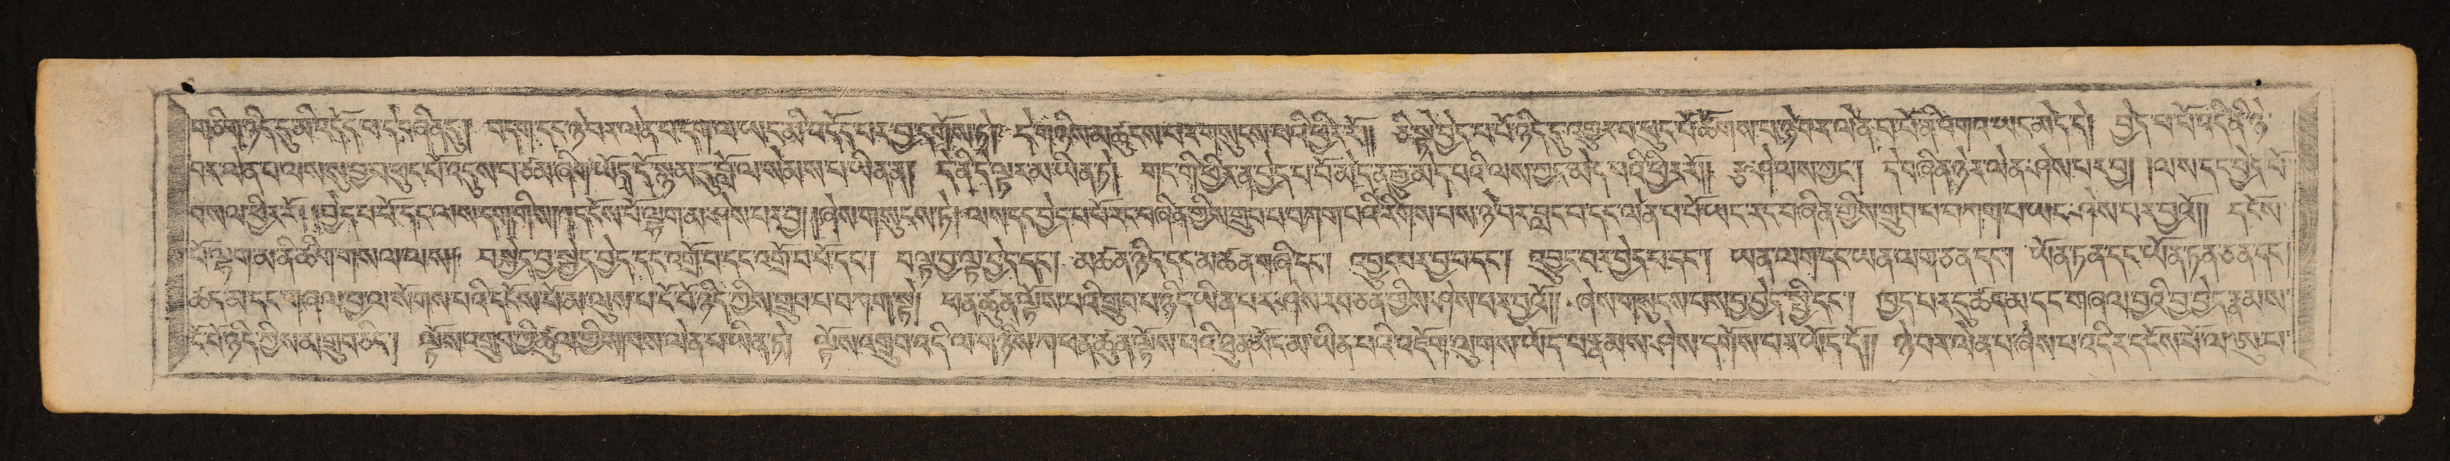གཅིག་ཉིད་དུ་མི་འདོད་པ་དེ་བཞིན་དུ། བདག་དང་ཉེ་བར་ལེན་པ་དག་ལ་ཡང་མི་འདོད་པར་བྱ་དགོས་ཏེ། དེ་གཉིས་མཚུངས་པར་གསུངས་པའི་ཕྱིར་རོ།། ཅི་སྟེ་བྱེད་པ་པོ་ཉིད་དུ་འགྱུར་བ་ཕུང་པོ་ཚོགས་པ་ཉེ་བར་ལེན་པ་པོ་ནི་འགའ་ཡང་མེད་དེ། བྱེད་པ་པོ་འདི་ནི་ཉེ་
བར་ལེན་པ་ལས་སུ་བྱ་བ་ཕུང་པོ་འདུས་པ་ཙམ་ཞིག་ཡོད་དོ་སྙམ་དུ་བློ་ལ་སེམས་པ་ཡིན་ན། དེ་ནི་དེ་ལྟར་མ་ཡིན་ཏེ། གང་གི་ཕྱིར་ན་བྱེད་པ་པོ་མེད་ན་རྒྱུ་མེད་པའི་ལས་ཀྱང་མེད་པའི་ཕྱིར་རོ།། རྩ་ཤེ་ལས་ཀྱང་། དེ་བཞིན་ཉེར་ལེན་ཤེས་པར་བྱ། །ལས་དང་བྱེད་པོ་
བསལ་ཕྱིར་རོ། །བྱེད་པ་པོ་དང་ལས་དག་གིས། །དངོས་པོ་ལྷག་མ་ཤེས་པར་བྱ། །ཞེས་གསུངས་ཏེ། ལས་དང་བྱེད་པ་པོ་རང་བཞིན་གྱིས་གྲུབ་པ་བཀག་པའི་རིགས་པས་ཉེ་བར་བླང་བ་དང་ལེན་པ་པོ་ཡང་རང་བཞིན་གྱིས་གྲུབ་པ་བཀག་པ་ཡང་ཤེས་པར་བྱའོ།། དངོས་
པོ་ལྷག་མ་ནི་ཚིག་གསལ་ལས། བསྐྱེད་བྱ་སྐྱེད་བྱེད་དང་འགྲོ་བ་དང་འགྲོ་བ་པོ་དང་། བལྟ་བྱ་ལྟ་བྱེད་དང་། མཚན་ཉིད་དང་མཚན་གཞི་དང་། འབྱུང་བར་བྱ་བ་དང་། འབྱུང་བར་བྱེད་པ་དང་། ཡན་ལག་དང་ཡན་ལག་ཅན་དང་། ཡོན་ཏན་དང་ཡོན་ཏན་ཅན་དང་།
ཚད་མ་དང་གཞལ་བྱ་ལ་སོགས་པའི་དངོས་པོ་མ་ལུས་པ་ངོ་བོ་ཉིད་ཀྱིས་གྲུབ་པ་བཀག་སྟེ། ཕན་ཚུན་ལྟོས་པའི་གྲུབ་པ་ཉིད་ཡིན་པར་ཤེས་རབ་ཅན་གྱིས་ཤེས་པར་བྱའོ།། ཞེས་གསུངས་པས་བྱ་བྱེད་སྤྱི་དང་། ཁྱད་པར་དུ་ཚད་མ་དང་གཞལ་བྱའི་བྱ་བྱེད་རྣམས་
ངོ་བོ་ཉིད་ཀྱིས་མ་གྲུབ་ཅིང་། ལྟོས་འགྲུབ་ཀྱི་ཚུལ་གྱིས་ཁས་ལེན་པ་ཡིན་ཏེ། ལྟོས་འགྲུབ་འདི་ལ་གཉིས་ཀ་ཕན་ཚུན་ལྟོས་པའི་ཐུན་མོང་མ་ཡིན་པའི་འཇོག་ལུགས་ཡོད་པ་རྣམས་ཤེས་དགོས་པར་ཡོད་དོ།། ཉེ་བར་ལེན་པ་ཞེས་པ་འདིར་དངོས་པོ་ལ་ཨུ་པ་